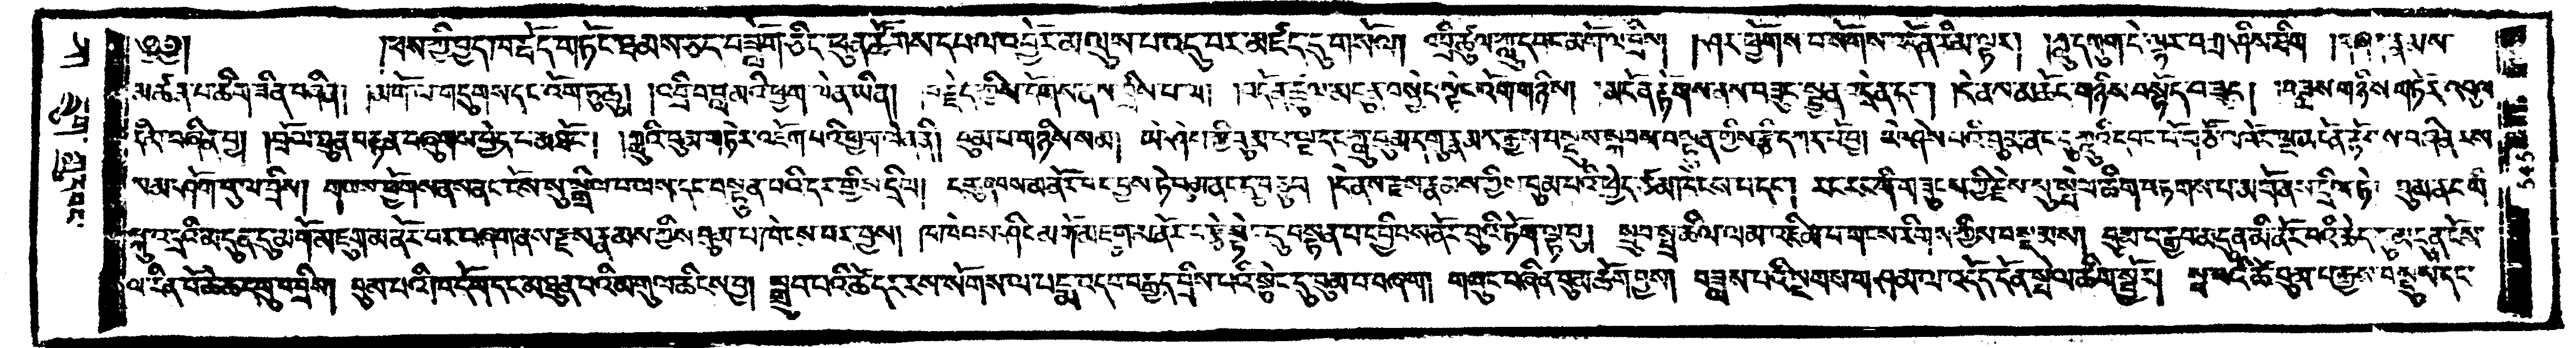༄༅། །ཕས་ཀྱི་བྱད་ཁ་རྦོད་གཏོང་ཐམས་ཅད་བཟློག་ཅིང་ཕུན་ཚོགས་དཔལ་འབྱོར་མ་ལུས་པ་འདུ་བར་མཛད་དུ་གསོལ། འབྲི་ཚུལ་ཀླུ་དབང་མགོ་ལ་བྲིལ། །ཤར་ཕྱོས་པ་སོགས་དོན་ནིམ་ལྟར། །ཀླུ་ལུག་དེ་ལྟར་བཀྲ་ཤིས་ཐིག །? རྣམས་
མཚན་པ་ཚིག་ཟིན་བཞིན། །མགོ་ལ་གདུགས་དང་འོག་ཏུ་ཆུ། །འབྲི་བ་བླ་མའི་ཕྱག་ལེན་ཡིན། །བརྗེད་ཀྱིས་དོགས་ནས་བྲིས་པ་ལ། །བདོན་ཚུལ་མདུན་བསྱེད་སྟེང་འགོག་གཉིས། །མངོན་རྟོགས་ནས་བཟུང་སྤྱན་འདྲེན་དང་། །དེ་ནས་མཆོད་གཉིས་བསྟོད་བཟང་། །བཟླས་གཉིས་གཏོར་འབུལ་
རིམ་བཞིན་བྱ། །བྲོལ་ཐུན་བརྟན་བཞུགས་བྱེད་པ་མཐོང་། །ཀླུའི་བུམ་གཏེར་འཇོག་པའི་ཕྱག་ལེན་ནི། བུམ་པ་གཉིས་སམ། ཡེ་ཤེས་ཀྱི་བུམ་པ་ལྔ་དང་ཀླུ་བུམ་དགུ་རྣམས་རྒྱས་བསྡུས་སྐབས་བསྟུན་གྱིས་རྩི་དཀར་པོ་བྱ། ཡེ་ཤེས་པའི་བུམ་ནང་དུ་ཀླུའི་དབང་པོ་གཙོ་འཁོར་ལྔ་མངོན་རྟོགས་བཞིན་རས་
སམ་ཤོག་བུ་ལ་བྲིས། གཡས་ཕྱོགས་ནས་ནང་ངོས་སུ་སྒྲིལ་པ་ལས་དང་བསྟུན་པའི་དར་གྱིས་དྲི་བ། དབུ་ཞབས་མནོང་བར་བྱས་ཏེ་བུམ་ནང་དུ་བཅུག །དེ་ནས་རྫས་རྣམས་ཀྱིས་བུམ་པའི་ཕྱེད་ཙམ་དེངས་པ་དང་། རང་རང་ཞིག་ཟུང་དཀྱི་རྗེ་སུ་སྤེལ་ཚིག་བཏགས་པ་མགོ་ནས་དྲིལ་ཏེ། བུམ་ནང་གི་
སྐུ་འདྲའི་མདུན་དུ་མགོ་མཇུག་མནོར་བར་བཞག་ནས་རྫས་རྣམས་ཀྱིས་བུམ་པ་ཁེངས་པར་བྱས། ཁ་ཁེབས་ཤིང་མགོམ་ཇུག་མ་ནོར་བ་རྩེ་སྟེ་དུ་བསྟན་པར་དབྱིབས་ནོར་བུའི་ཏོག་ལྟ་བུ། སྲུབ་སྤྲ་ཚིལ་ལམ་འཇིམ་པ་གངས་རིགས་ཀྱིས་བསྡམས། བུམ་པ་རྒྱབ་མདུན་མི་ནོར་བའི་ཆེད་མདུན་ངོས་
ལ་རིན་པོ་ཆེ་ཆ་དགུ་བ་བྲིས། བུམ་པའི་ཁ་དོག་དང་མཐུན་པའི་མགུལ་ཆིངས་བྱ། སྒྲུབ་པའི་ཚེ་དར་རས་སོགས་ལ་པདམ་འདབ་བརྒྱད་བྲིས་པའི་ལྕེད་དུ་བུམ་པ་བཞག། གསུང་བཞིན་བུམ་ཆོག་བྱས། བཟླས་པའི་སྔགས་གཤམ་ལ་འདོད་དོན་སྤེལ་ཚིག་སྦྱོར། སྦ་བའི་ཚེ་བུམ་པ་རྒྱས་བསྡུས་དང་